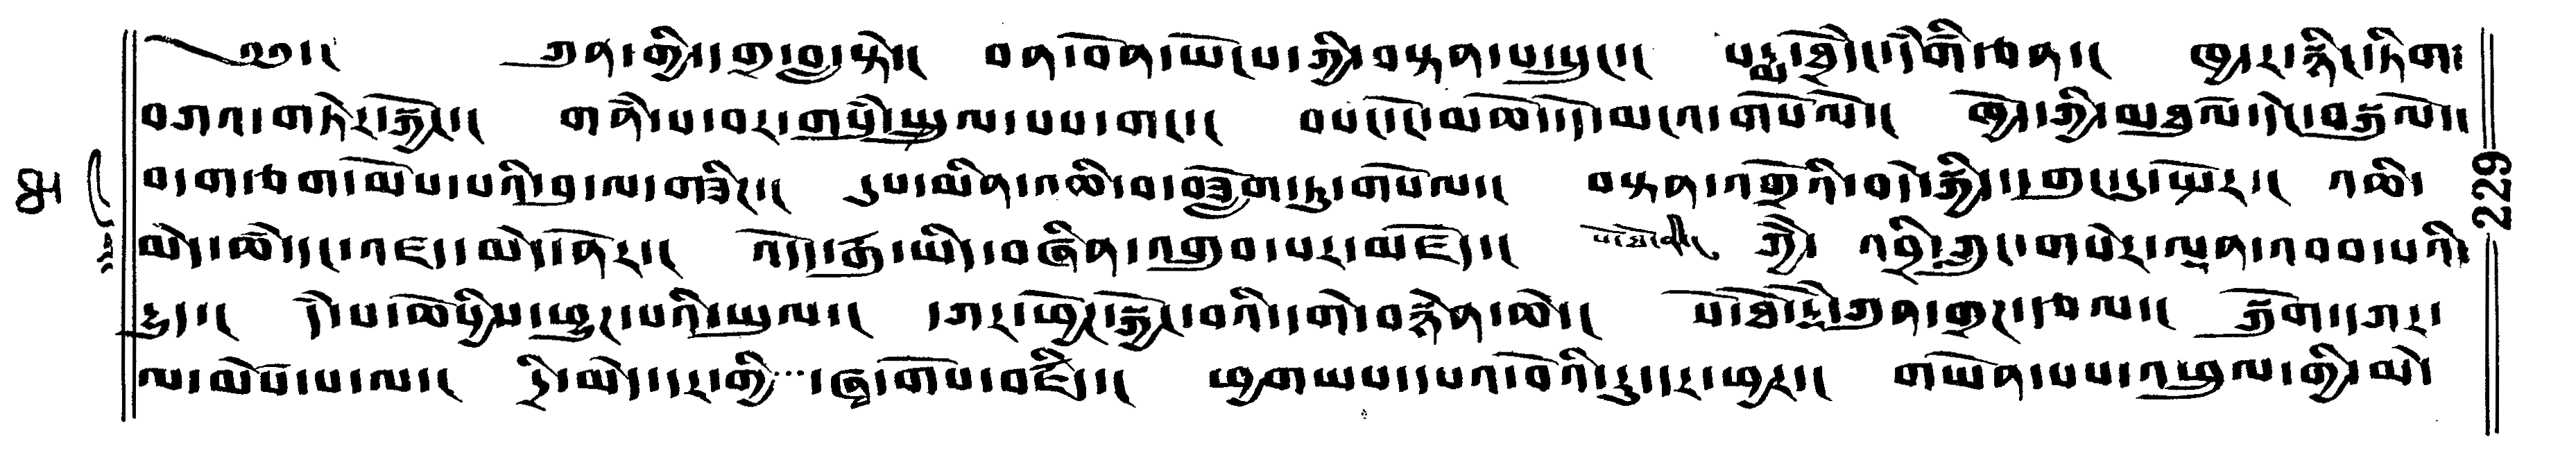ཀུན་གྱི་དགྲ་བླ་སྟེ། །བན་བོན་ཡོངས་ཀྱི་བསྟན་པ་སྲུངས། །པདྨ་ཐོད་ཕྲེང་དམ་ཚིག་ཅན། །ཁྱད་པར་སྙིང་ཏིག་
བཀའ་གཏེར་སྐྱོངས། །གནམ་ས་བར་གསུམ་སྤྲུལ་པས་གང་། །བསང་ངོ་མཆོད་དོ་མངའ་གསོལ་ལོ། །ཁྱོད་ཀྱི་མཐུ་རྩལ་དེང་བསྐུལ་ལོ། །
བདག་ཅག་མོས་པའི་བུ་ལ་གཟིགས། །དུས་མིན་འཆི་བ་བཟློག་ཏུ་གསོལ། །བསྟན་འགྲོའི་བདེ་སྐྱིད་དགུང་དུ་སྤོར། །འཆི་
མེད་ཚེ་དང་འཛད་མེད་ནོར། །འདོད་རྒུ་ཡིད་བཞིན་འགྲུབ་པར་མཛོད། ། སོ་ཐོ་ནི། ཀྱཻ། །འབྲི་ཀླུང་གསེར་ལྡན་འབབ་པའི་
རྒྱུད། །དམ་པའི་ཆོས་ཀྱིས་ཕྱུག་པའི་ཡུལ། །དཀར་ཕྱོགས་སྐྱོང་བའི་དགེ་བསྙེན་ཆེ། །སོ་ཐོ་རྡོ་རྗེ་ཀུན་གྲགས་རྩལ། །སྐུ་མདོག་དཀར་
གསལ་མཛེས་པ་ལ། །དྲི་མེད་དར་གྱི་ཞྭ་གོས་བརྗིད། །ཕྱག་གཡས་དཔའ་བོའི་རུ་དར་ཕྱར། །གཡོན་པས་འཕྲུལ་གྱི་མེ་